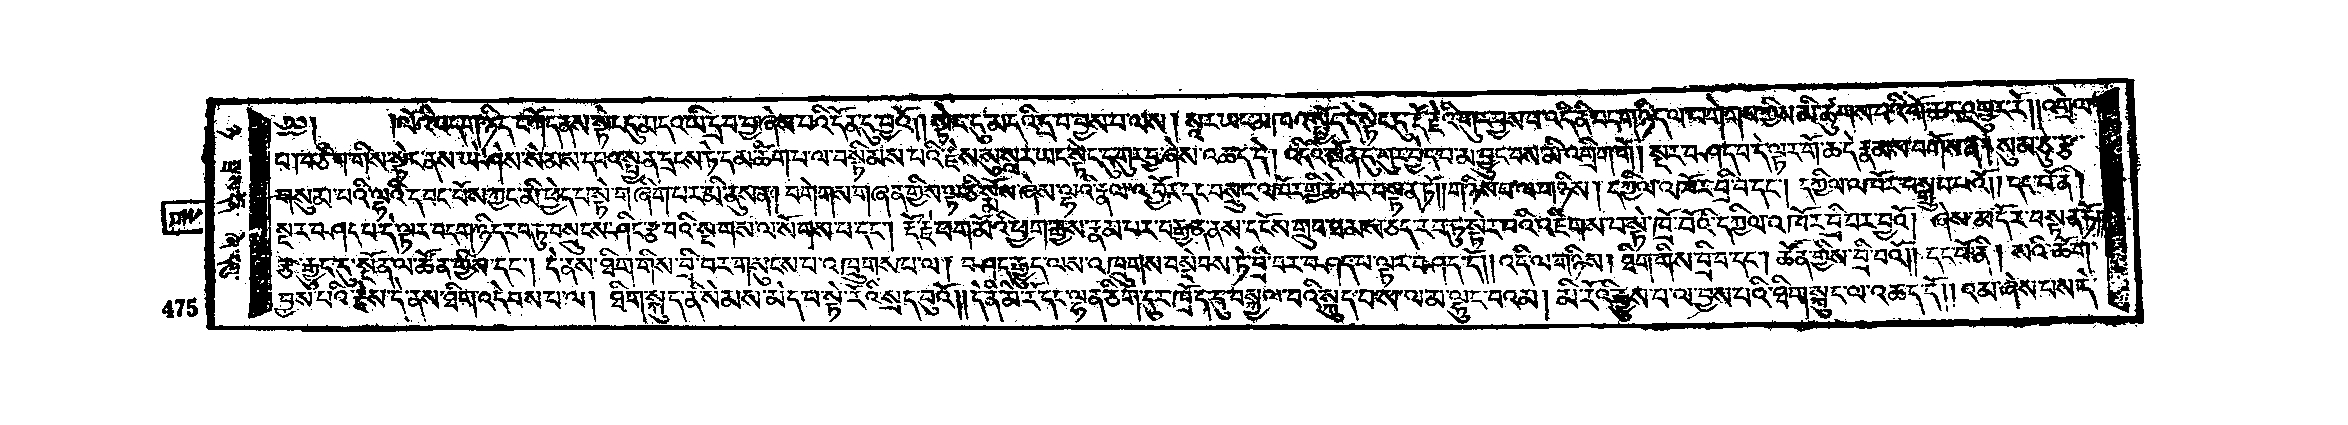༄༅། །ལོའི་བདག་ཉིད་བཀོད་ནས་སྟེང་དུ་མདའ་ཡི་དྲ་བ་བྱ་ཞེས་པའི་དོན་དུ་བྱའོ། །སྟེང་དུ་མདའི་དྲ་བ་བྱས་པ་ལས། སླར་ཡང་མཁའ་སྤྱོད་དེ་སྟེང་དུ་རྡོ་རྗེའི་གུར་བྱས་པ་འདི་ནི་བདག་ཉིད་ལ་བགེགས་ཀྱིས་མི་ཚུགས་པའི་གོ་ཆར་འགྱུར་རོ། །འགྲེལ་
པ་ཁ་ཅིག་གིས་སྟེང་ནས་ཡེ་ཤེས་སེམས་དཔའ་སྤྱན་དྲངས་ཏེ་དམ་ཚིག་པ་ལ་བསྟིམས་པའི་རྗེས་སུ་སླར་ཡང་སྟེང་དུ་གུར་བྱ་ཞེས་འཆད་དེ། འདིའི་སྔོན་དུ་གུར་བྱེད་པ་མ་བྱུང་བས་མི་འགྲིག་གོ །སྔར་བཤད་པ་དེ་ལྟར་གོ་ཆ་དེ་རྣམས་བགོས་ན། སུམ་ཅུ་རྩ་
གསུམ་པའི་ལྷའི་དབང་པོས་ཀྱང་མི་ཕྱེད་པ་སྟེ་གཞིག་པར་མི་ནུས་ན། བགེགས་གཞན་གྱིས་ལྟ་ཅི་སྨོས་ཞེས་ལྷའི་རྣལ་འབྱོར་དང་བསྲུང་འཁོར་གྱི་ཆེ་བར་བསྟན་ཏོ། །གཉིས་པ་ལ་གཉིས། དཀྱིལ་འཁོར་བྲི་བ་དང་། དཀྱིལ་འཁོར་བསྒྲུབ་པའོ། །དང་པོ་ནི།
སྔར་བཤད་པ་དེ་ལྟར་བདག་ཉིད་རབ་ཏུ་བསྲུངས་ཤིང་རྩ་བའི་སྔགས་ལ་སོགས་པ་དང་། རྡོ་རྗེ་ཕག་མོའི་ཕྱག་རྒྱས་རྣམ་པར་བརྒྱན་ནས་དངོས་གྲུབ་ཐམས་ཅད་རབ་ཏུ་སྟེར་བའི་འཇིགས་པ་སྟེ་ཁྲོ་བོའི་དཀྱིལ་འཁོར་བྲི་བར་བྱའོ། །ཞེས་མདོར་བསྟན་ཏོ། །
རྩ་རྒྱུད་དུ་སྔོན་ལ་ཚོན་གྱིས་དང་། དེ་ནས་ཐིག་གིས་བྲི་བར་གསུངས་པ་འཁྲུགས་པ་ལ། བཤད་རྒྱུད་ལས་འཁྲུགས་བསྡེབས་ཏེ་བྲི་བར་བཤད་པ་ལྟར་བཤད་དོ། །འདི་ལ་གཉིས། ཐིག་གིས་བྲི་བ་དང་། ཚོན་གྱིས་བྲི་བའོ། །དང་པོ་ནི། སའི་ཆོ་ག་
བྱས་བའི་རྗེས་དེ་ནས་ཐིག་འདེབས་པ་ལ། ཐིག་སྐུད་ནི་སེམས་མེད་པ་སྟེ་རོའི་སྲད་བུའོ། །དེ་ནི་མི་རོ་དང་ལྷན་ཅིག་དུར་ཁྲོད་དུ་བསྐྱལ་བའི་སྐུད་པ་ས་ལ་མ་ལྷུང་བའམ། མི་རོའི་རྒྱུས་པ་ལ་བྱས་པའི་ཐིག་སྐུང་ལ་འཆད་དོ། །འམ་ཞེས་པས་དེ་